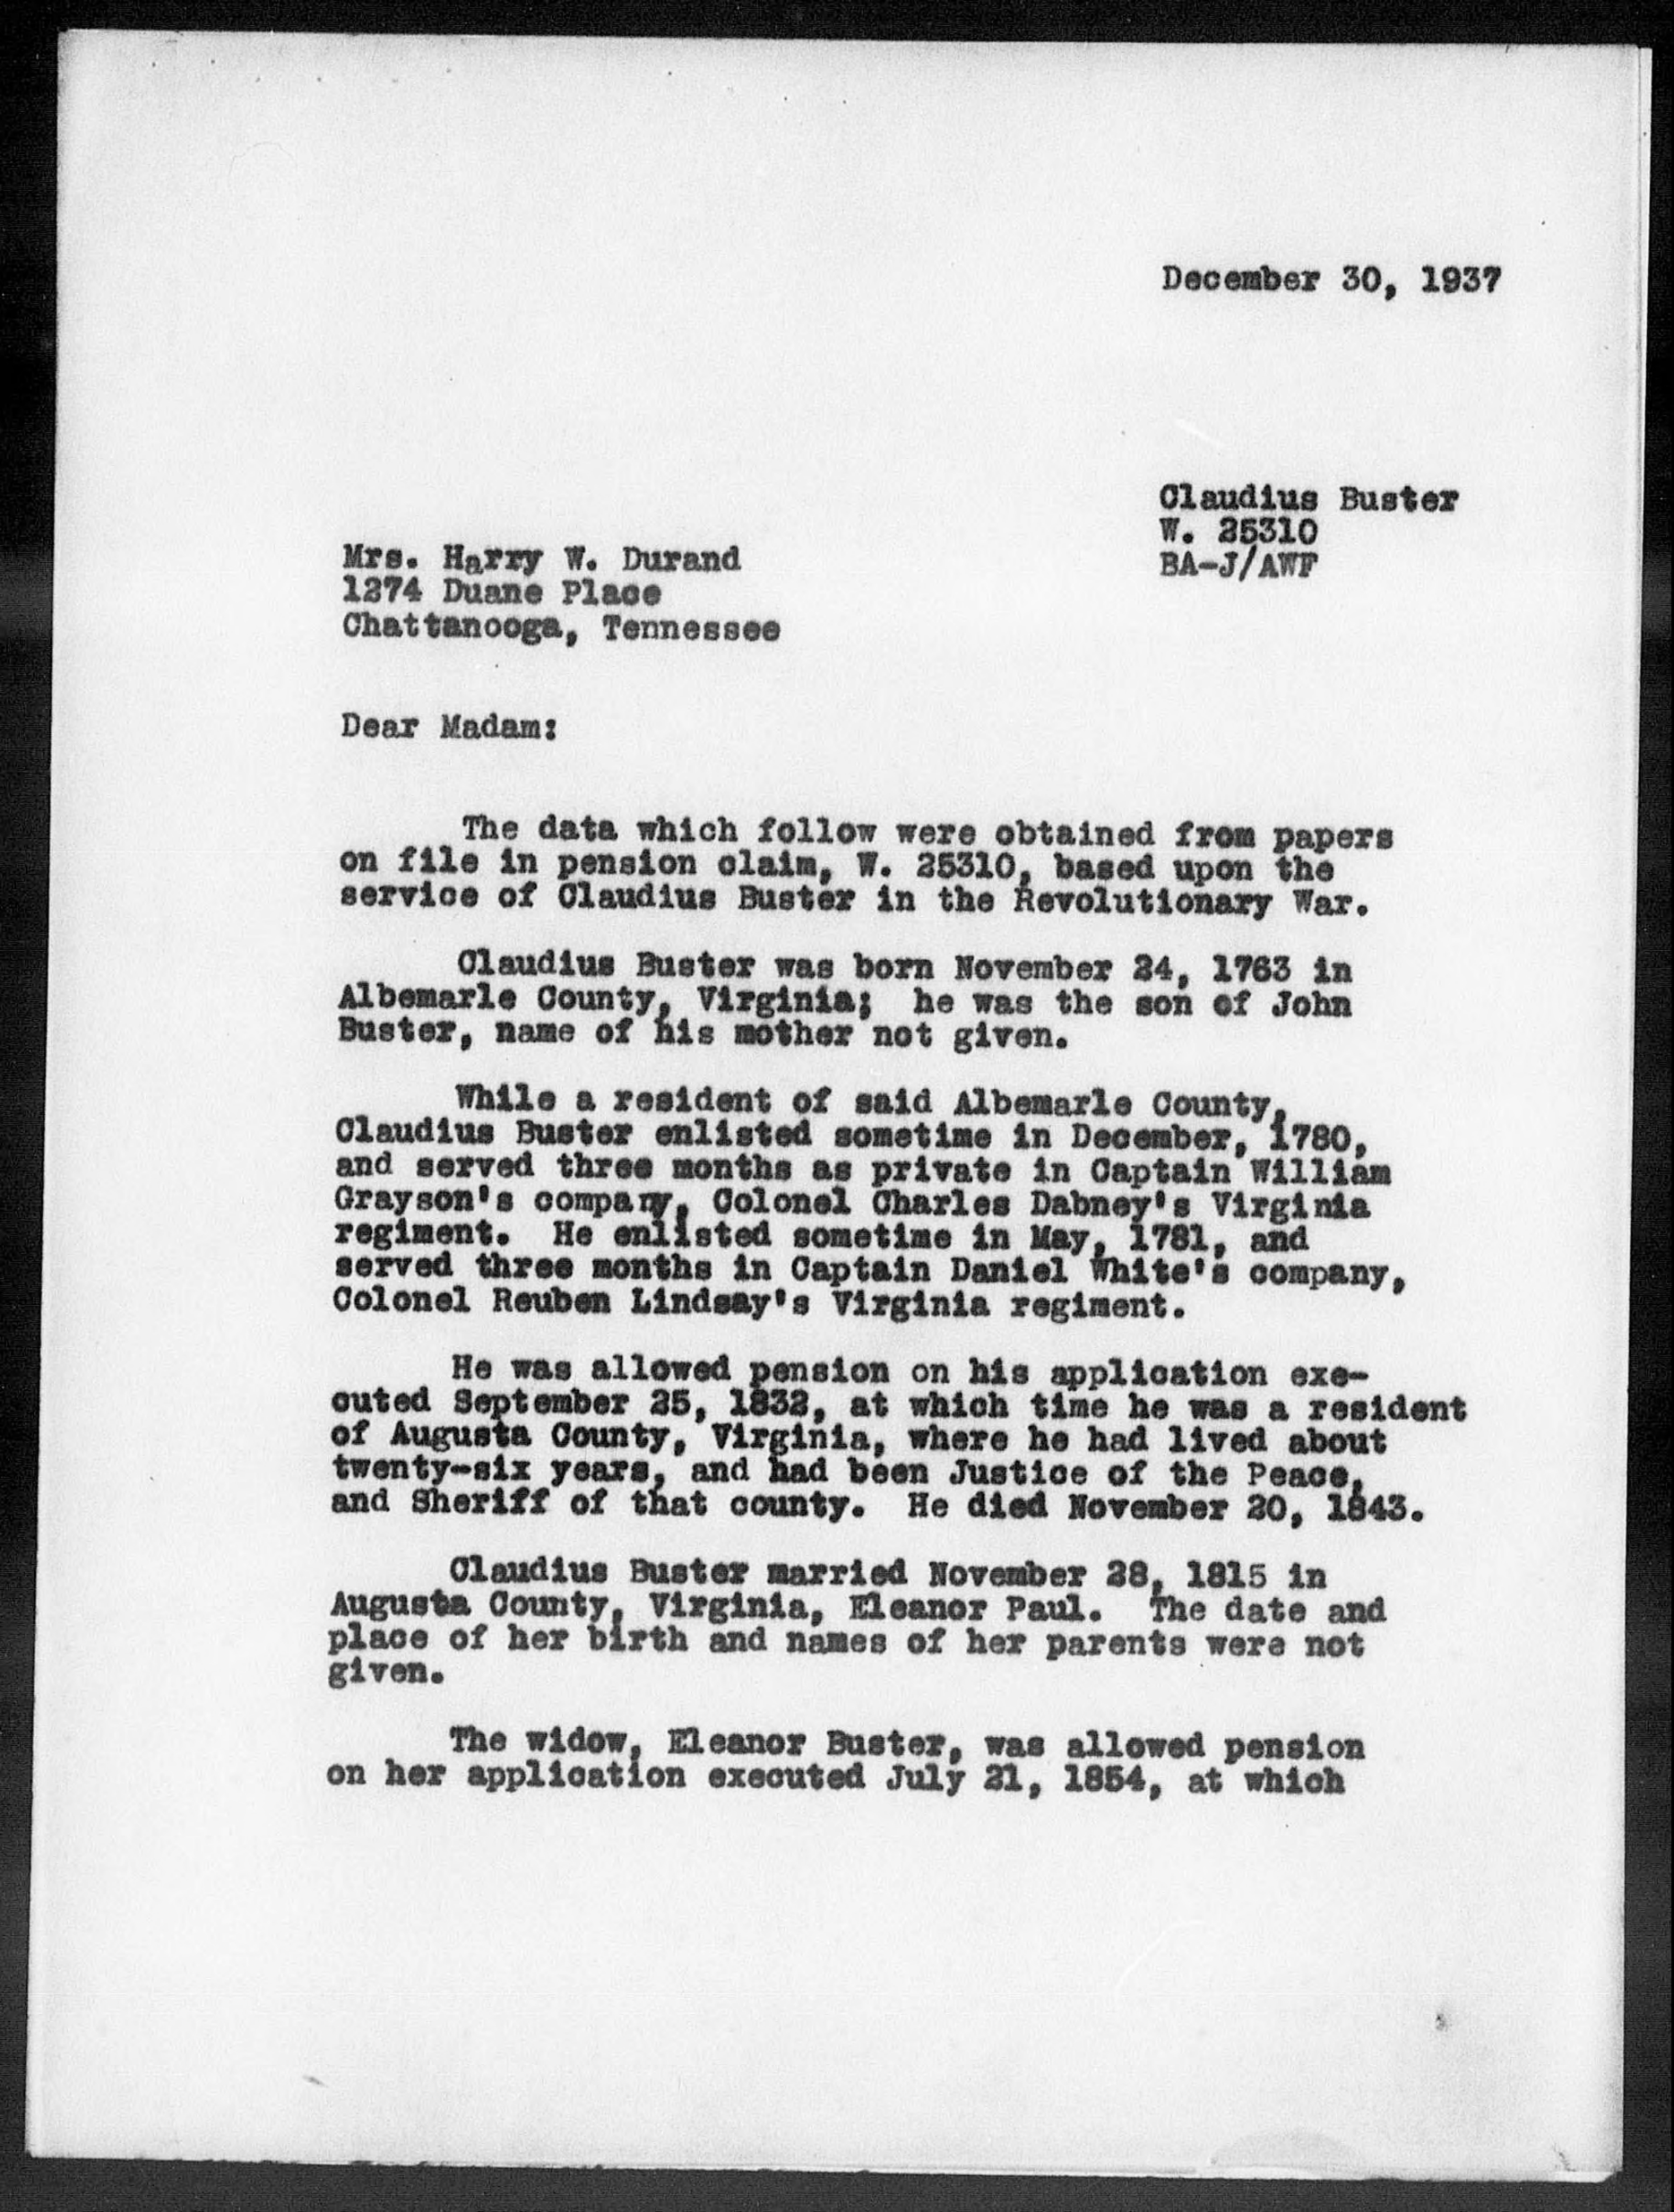December 30, 1937

Claudius Buster
W. 25310
BA-J/AWF

Mrs. Harry W. Durand
1274 Duane Place
Chattanooga, Tennessee

Dear Madam:

The data which follow were obtained from papers on file in pension claim, W. 25310, based upon the service of Claudius Buster in the Revolutionary War.

Claudius Buster was born November 24, 1763 in Albemarle County, Virginia; he was the son of John Buster, name of his mother not given.

While a resident of said Albemarle County, Claudius Buster enlisted sometime in December, 1780, served three months as private in Captain William Grayson's company, Colonel Charles Dabney's Virginia regiment. He enlisted sometime in May, 1781, served three months in Captain Daniel White's company, Colonel Reuben Lindsay's regiment.

He was allowed pension on his application executed September 25, 1832, at which time he was a resident of Augusta County, Virginia, where he had lived about twenty-six years, and had been Justice of the Peace, and Sheriff of that county. He died November 29, 1843.

Claudius Buster married November 28, 1815 in Augusta county, Virginia, Eleanor Paul. The date and place of her birth, and names of her parents not given. 

His widow, Eleanor Buster, was allowed pension on her application executed July 21, 1854, at which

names: Claudius Buster, Claudius Buster, John Buster, Eleanor Paul, Claudius Buster, Eleanor Buster, Claudius Buster, Harry W Durand, Claudius Buster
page: 66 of 71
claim: widow's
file: W. 25310, Claudius Buster, Va.